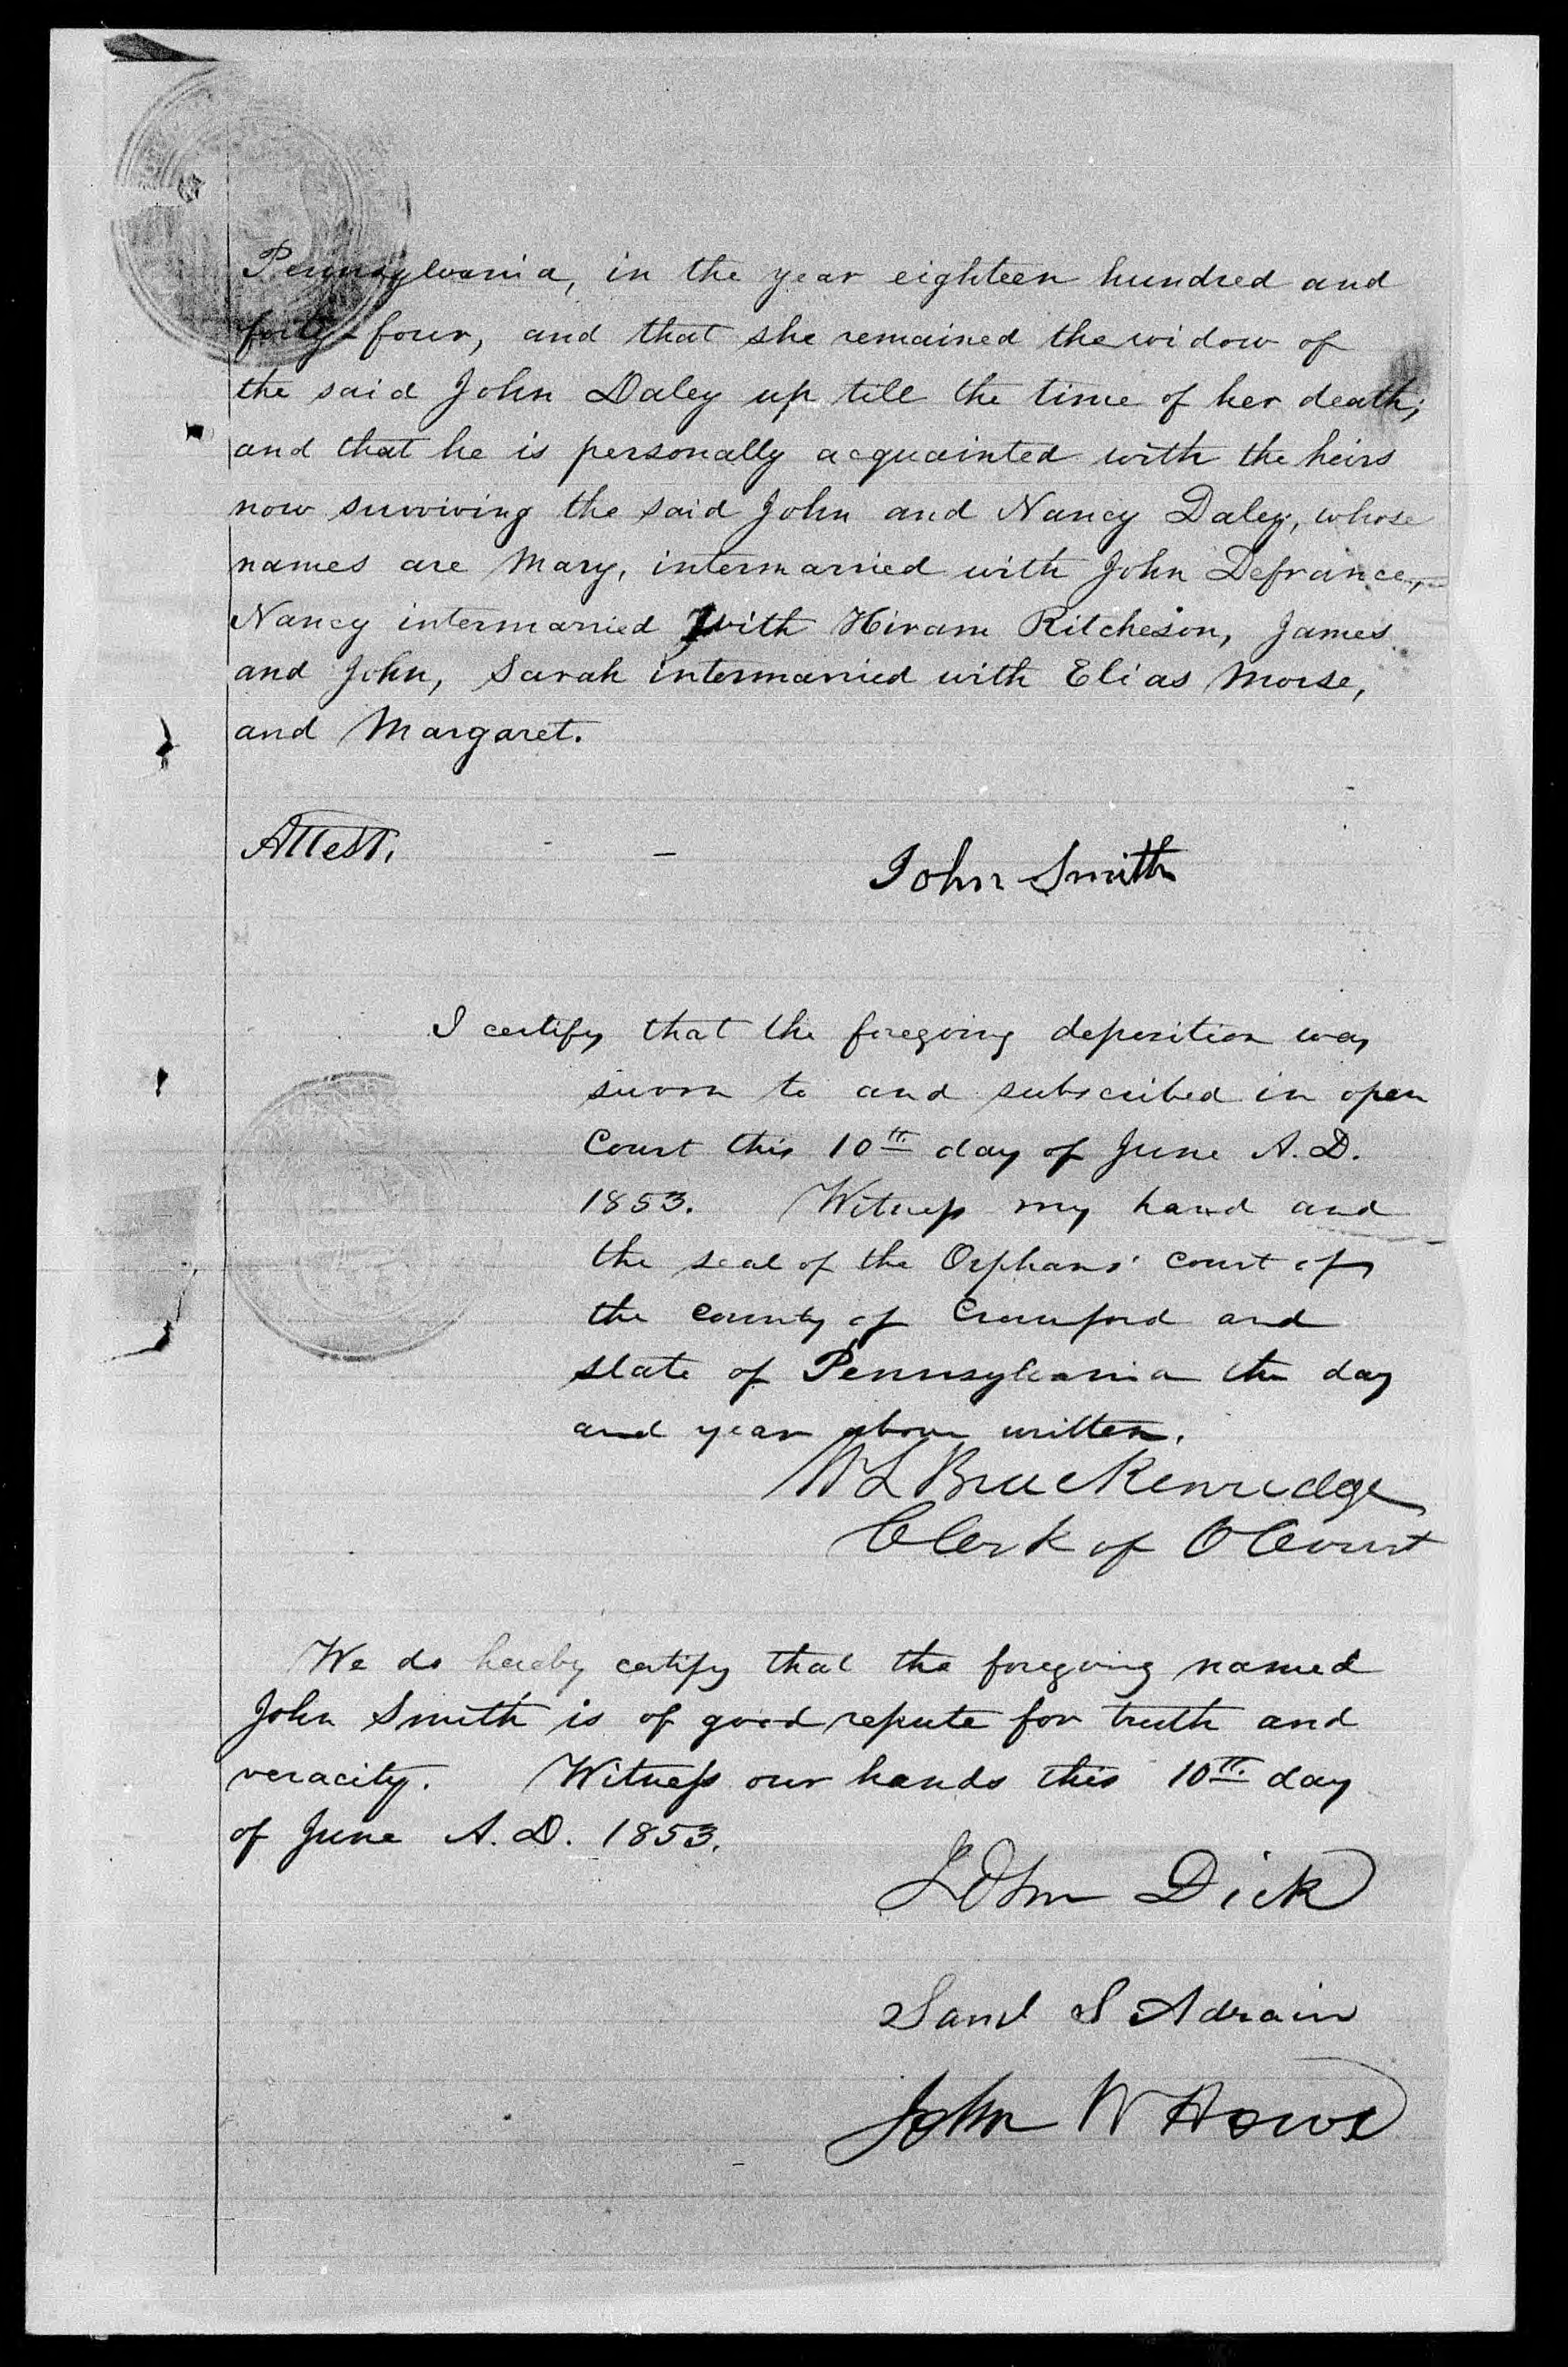[pg 3 of 3]

Pennsylvania, in the year eighteen hundred and forty four, and that she remained the widow of the said John Daley up till the time of her death; and that he is personally acquainted with the heirs now surviving the said John and Nancy Daley, whose names are Mary, intermarried with John Defrance, Nancy intermarried with Hiram Ritcheson, James and John, Sarah intermarried with Elias Morse, and Margaret.

Attest.
John Smith

I certify that the foregoing position was sworn to and subscribed in open court this 10th day of June A.D. 1853. Witness my hand and the seal of the Orphans' court of the county of Crawford and state of Pennsylvania at the day and year above written.
NL Brackenridge
Clerk of O Court

We do hereby certify that the foregoing named John Smith is of good repute for truth and veracity. Witness our hands this 10th day of June A.D. 1853.
L John Dick

Saml S Adrain

John W Howe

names: Saml S Adrain, Hiram Ritcheson, John Smith, Sarah, Nancy, John Smith, John Daley, John Defrance, John, Margaret, James, Mary, John Daley, Elias Morse, John Dick, John W Howe, W L Brackenridge, Nancy Daley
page: 47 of 63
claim: widow's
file: W. 3228, John Daly, Penn.